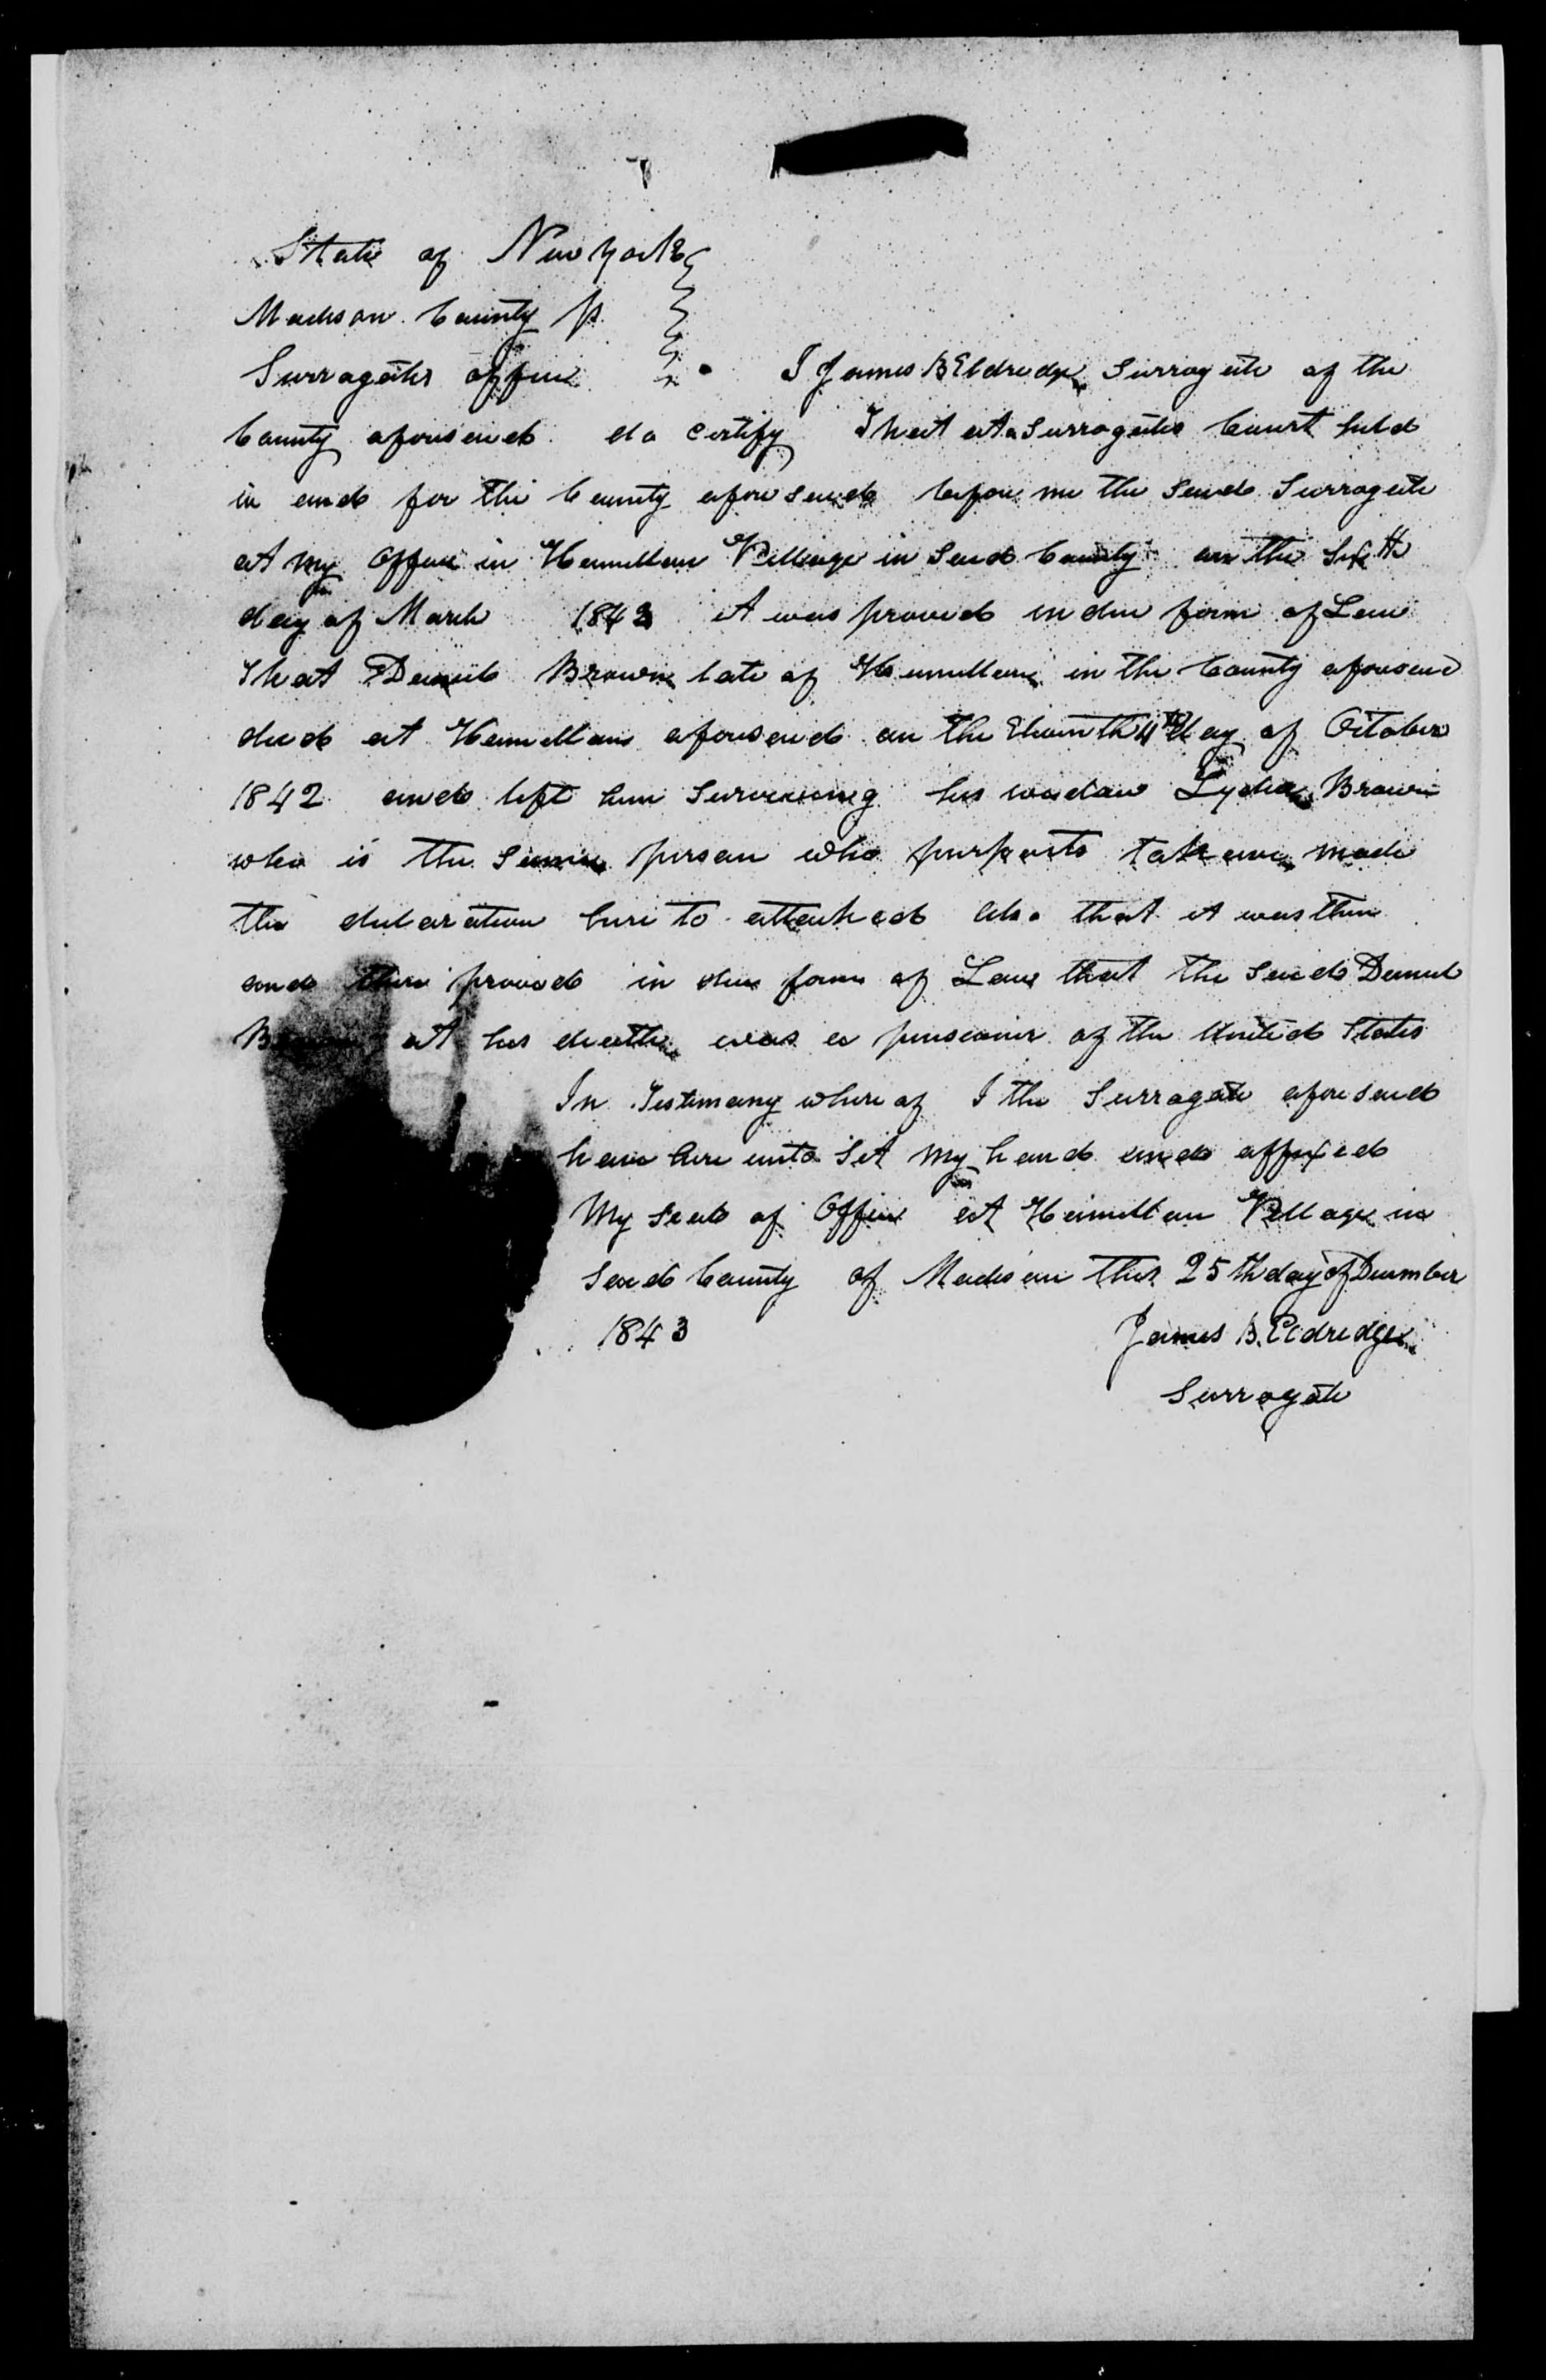State of
New York
Madison County
Surrogates office

I James B Eldridge Surrogate of the County aforesaid
do certify
That at a Surrogates Court held
in and for the County aforesaid before me the said Surrogate
at my office in Hamilton Village in said County on the sixth
day of March 1843 it was proved in due form of Law
That Daniel Brown late of Hamilton in the County aforesaid
died at Hamilton aforesaid on the Eleventh day of October
1842 and left him surviving his widow Lydia Brown
who is the same person who purports [illegible] made
this declaration here to [illegible] also that it was then
proved in due form of Law that the said Daniel Brown at 
his death was a pensioner of the United States
In Testimony whereof I the Surrogate aforesaid
have hereunto set my hand and affixed
my seal of Office at Hamilton Village in
said County of Madison this 25th day of December
1843
James B. Eldridge
Surrogate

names: Lydia Brown, Daniel Brown, James B Eldredge, Daniel Brown, James B Eldredge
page: 25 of 37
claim: widow's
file: W. 20,787, Daniel Brown, Conn. Navy.